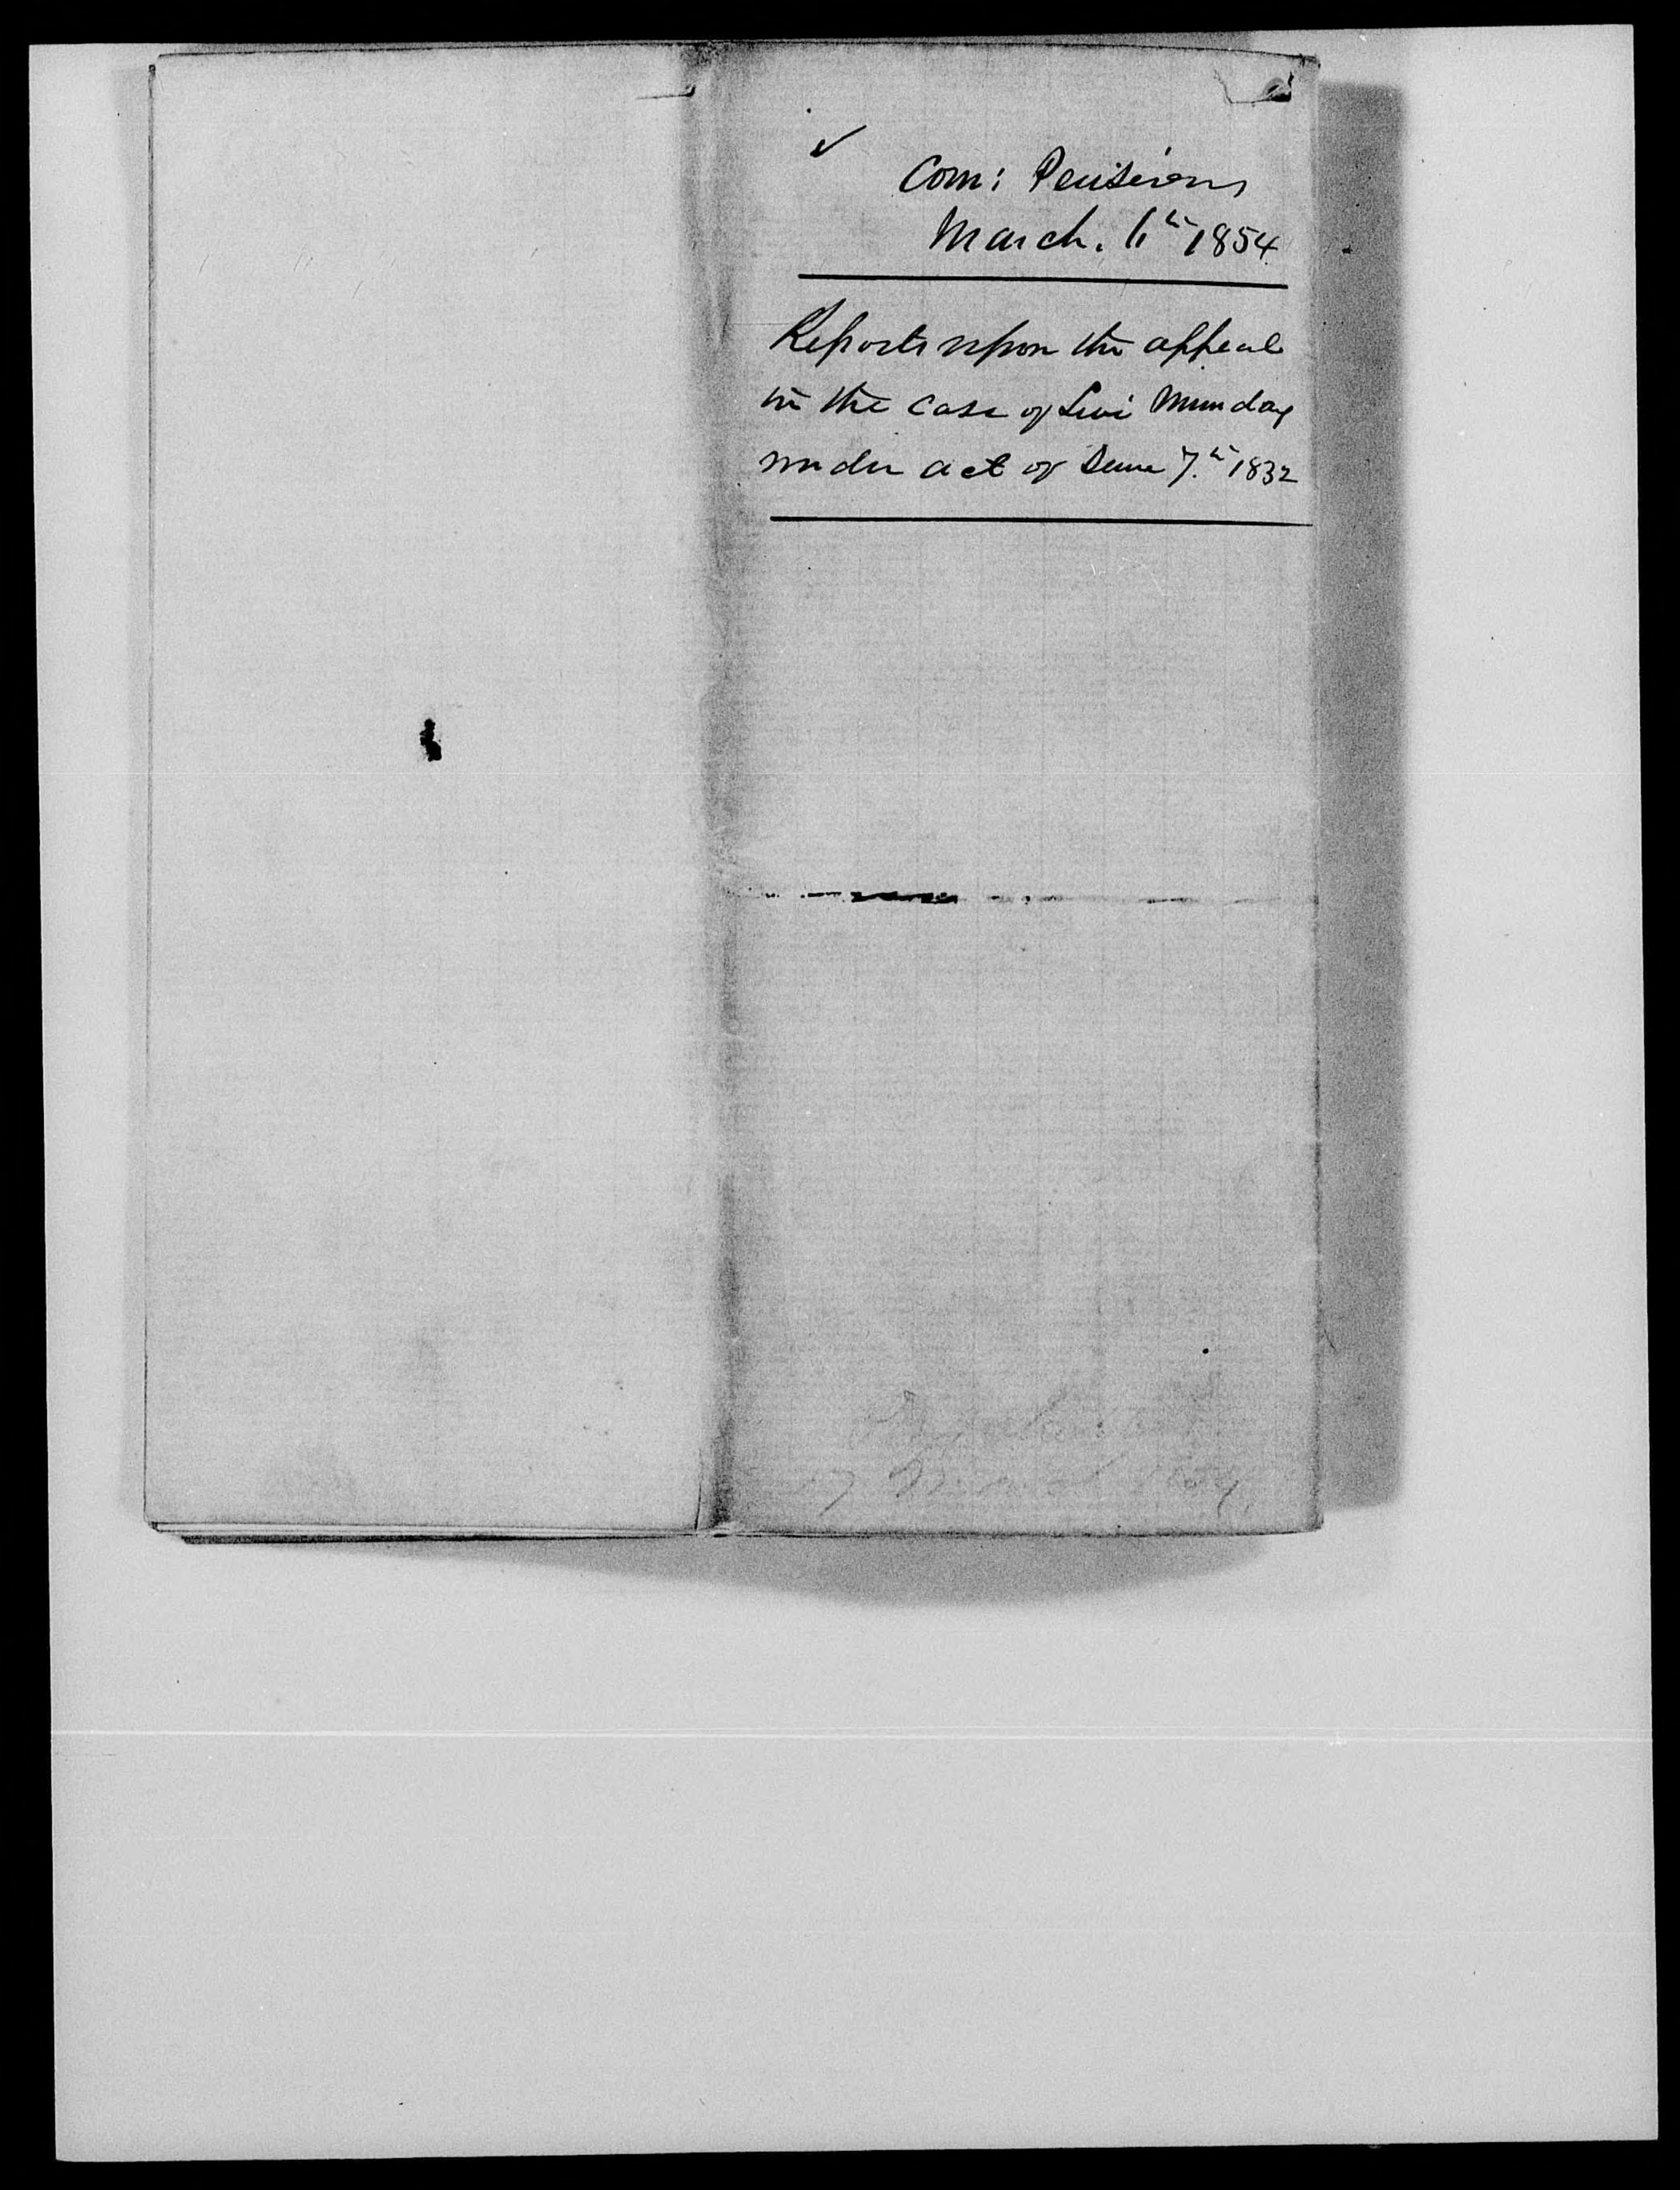Com(missioner of) Pensions
March 6th 1854

Reports upon the appeal in the case of Levi Munday under act of June 7th 1832.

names: Levi Munday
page: 27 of 95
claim: survivor's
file: S 2889, for Levi Mundy, New Jersey